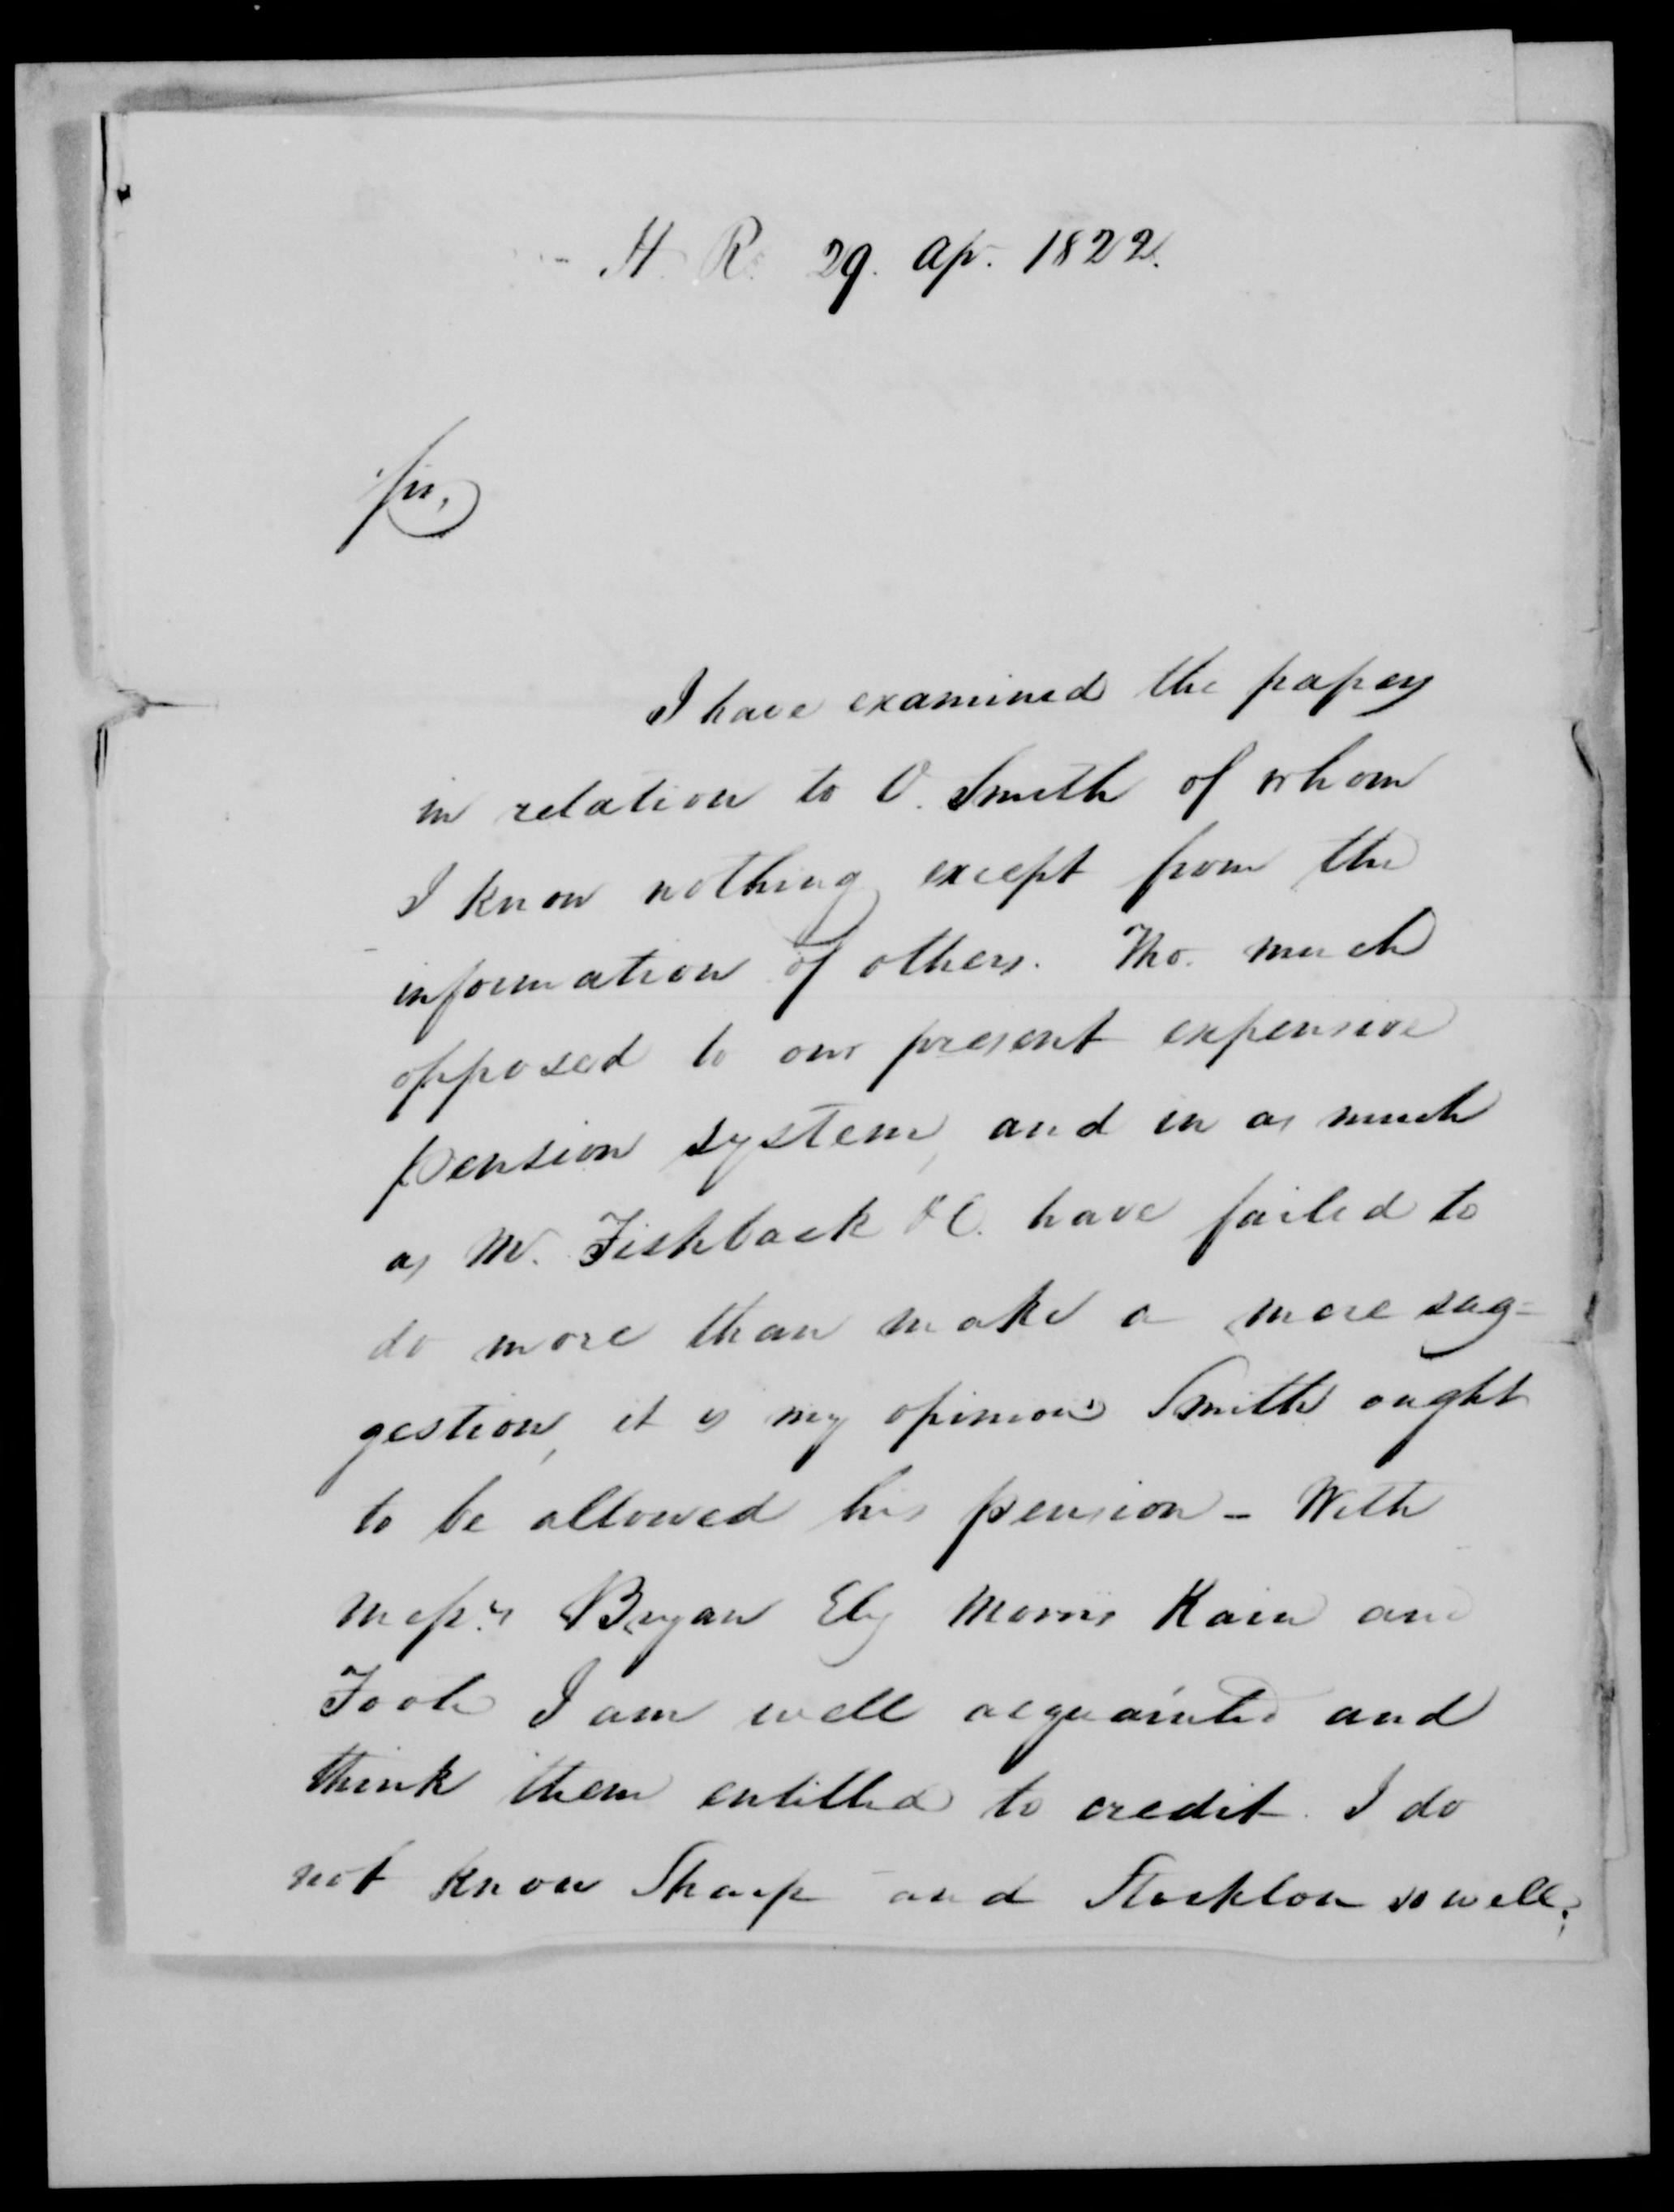H R 29 Apr. 1822. 
Sir, I have examined the papers in relation to O. Smith of whom I know nothin except from the information of others. Tho. much opposed to our present expensive pension system, and in as much as Mr. Fishback & I have failed to do more than make a mere suggestion, it is my opinion Smith ought to be allowed his pension- With Messrs. Bryan Ely Morris Kain and Foote I am well acquainted and think them entitled to credit. I do not know Sharp and Stockton so well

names: [BLANK] Smith; [BLANK] Stockton; [BLANK] Kain; [BLANK] Foote; O Smith; [BLANK] Morris; [BLANK] Fishback; [BLANK] Sharp; [BLANK] Ely; [BLANK] Bryan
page: 22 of 66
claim: survivor's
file: S 40458, for Obadiah Smith, New York